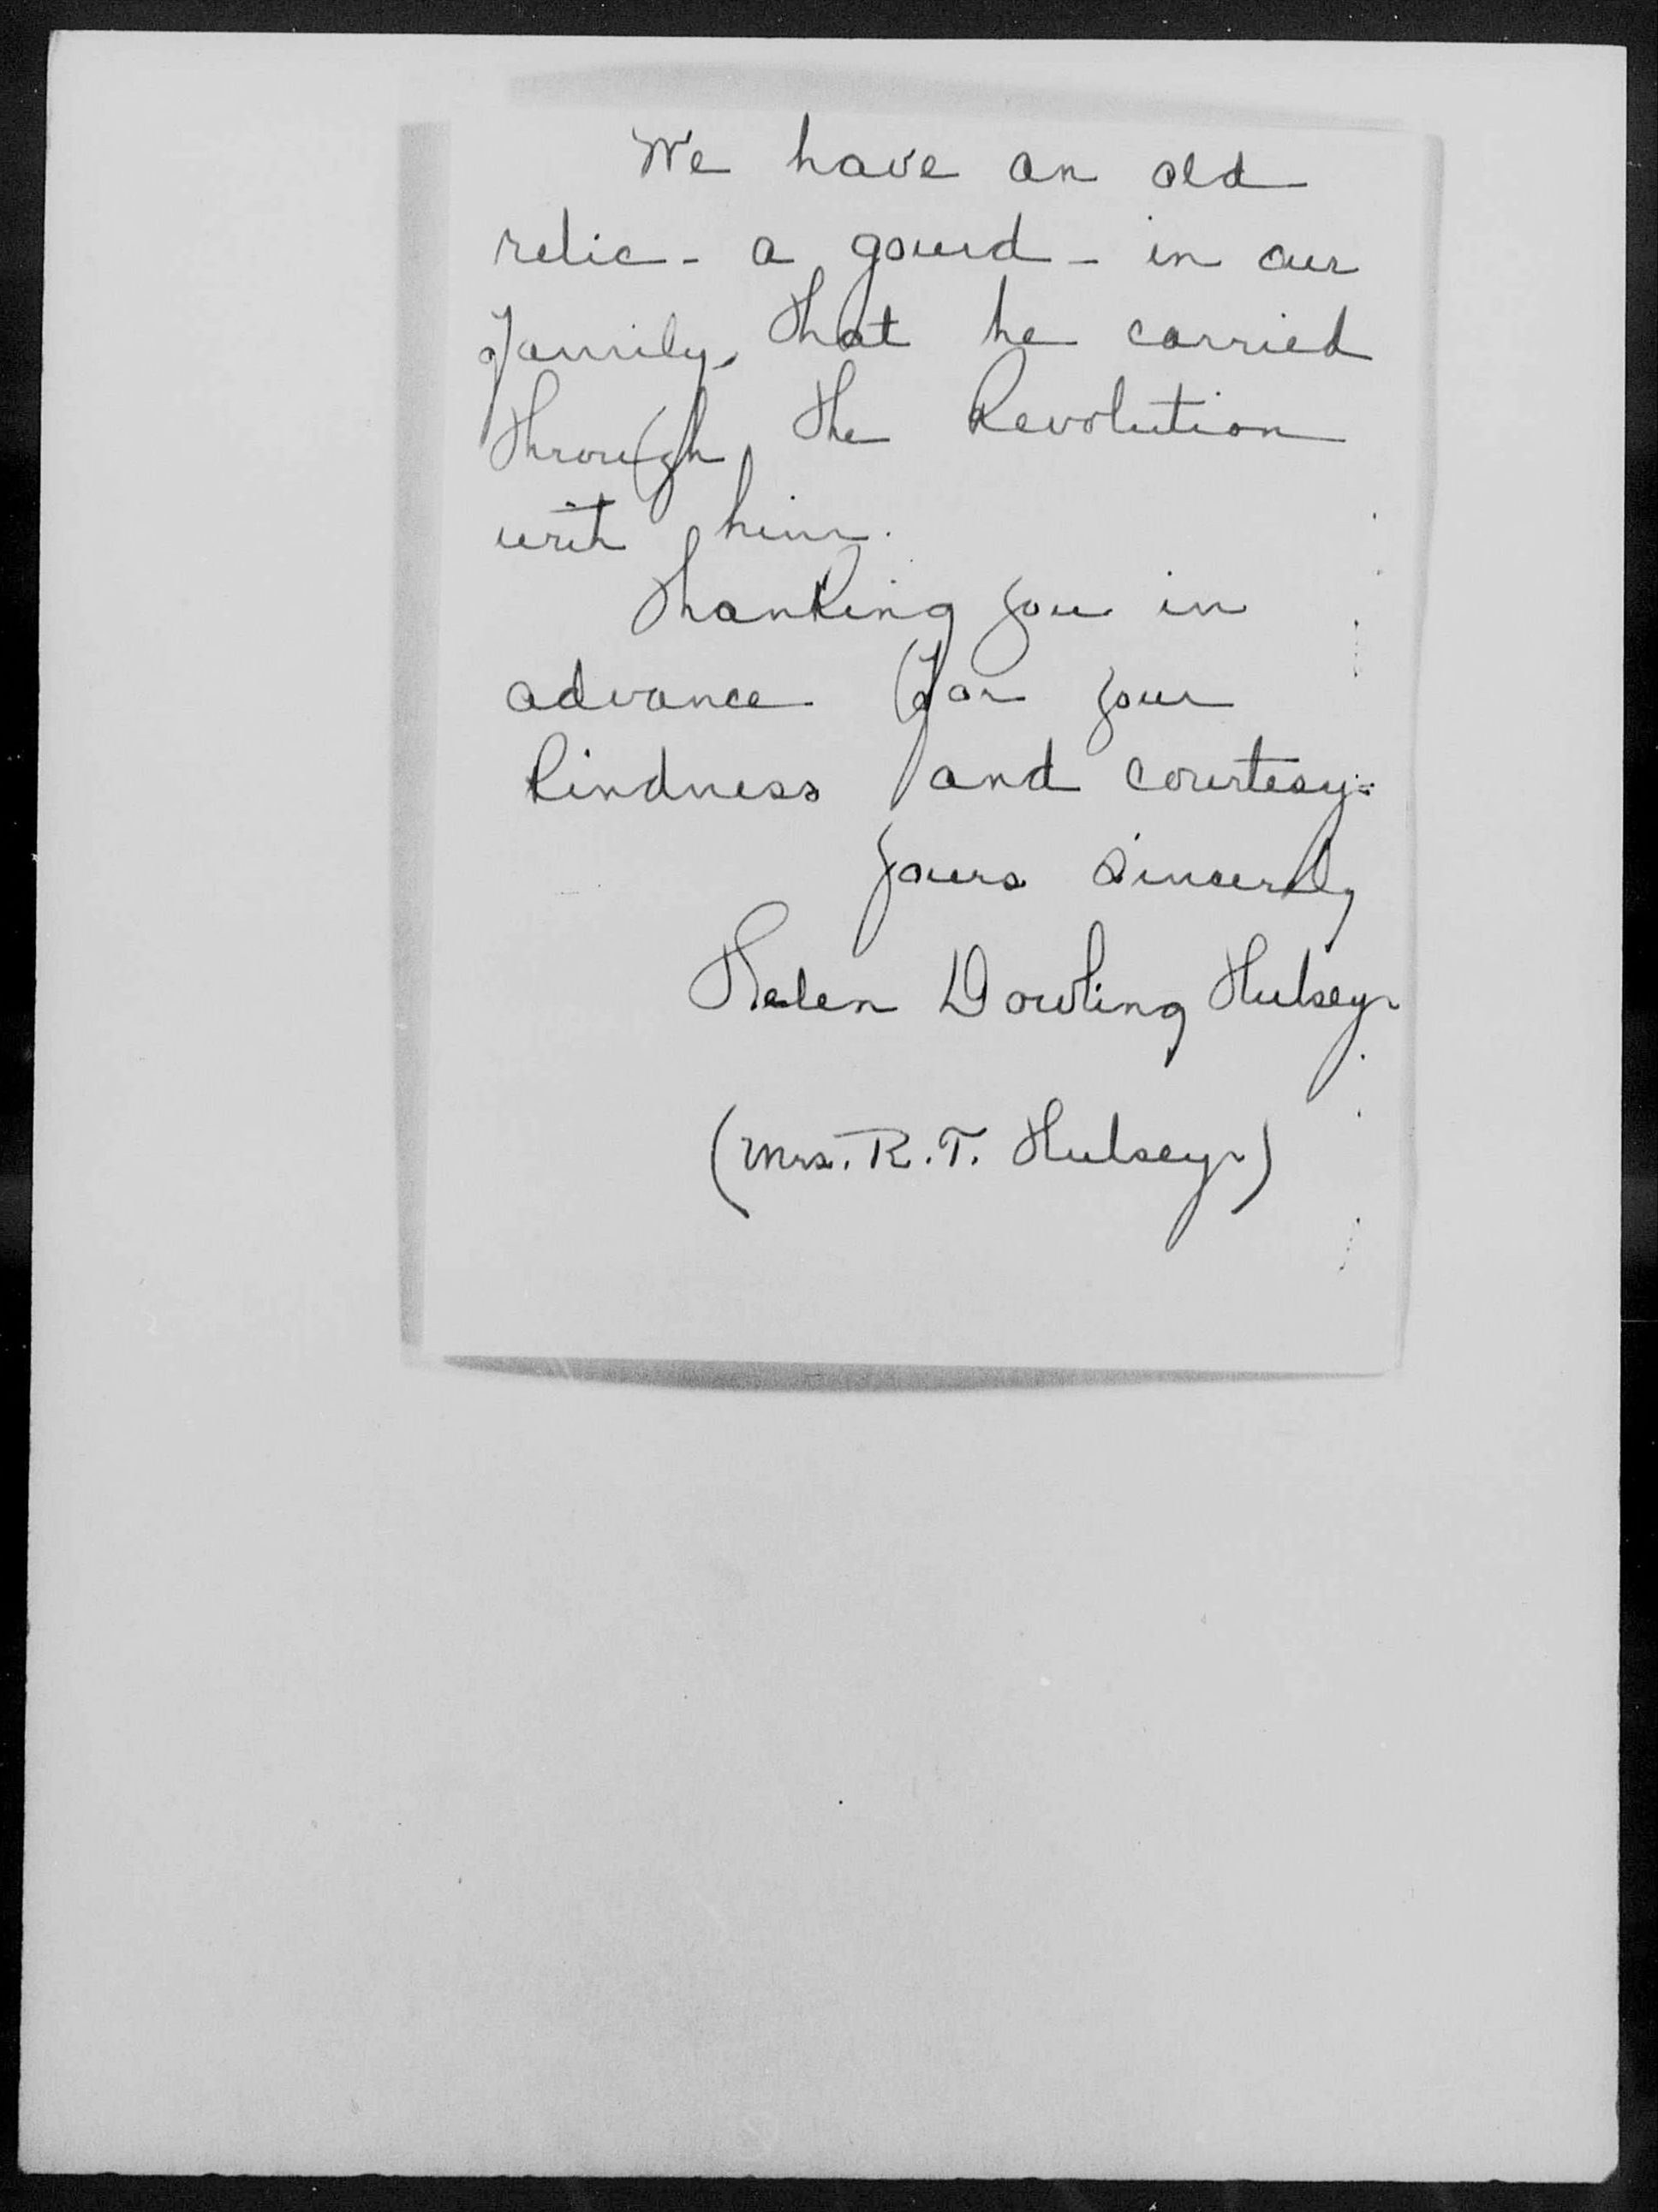We have an old relic--a gourd--in our family, that he carried through the Revolution with him.
Thanking you in advance for your kindness and courtesy.
Yours sincerely
Helen Dowling Hulsey

(Mrs. R.T. Hulsey)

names: Helen Dowling, R T Hulsey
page: 13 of 20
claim: survivor's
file: S. 32,124, John Bowen, Va.